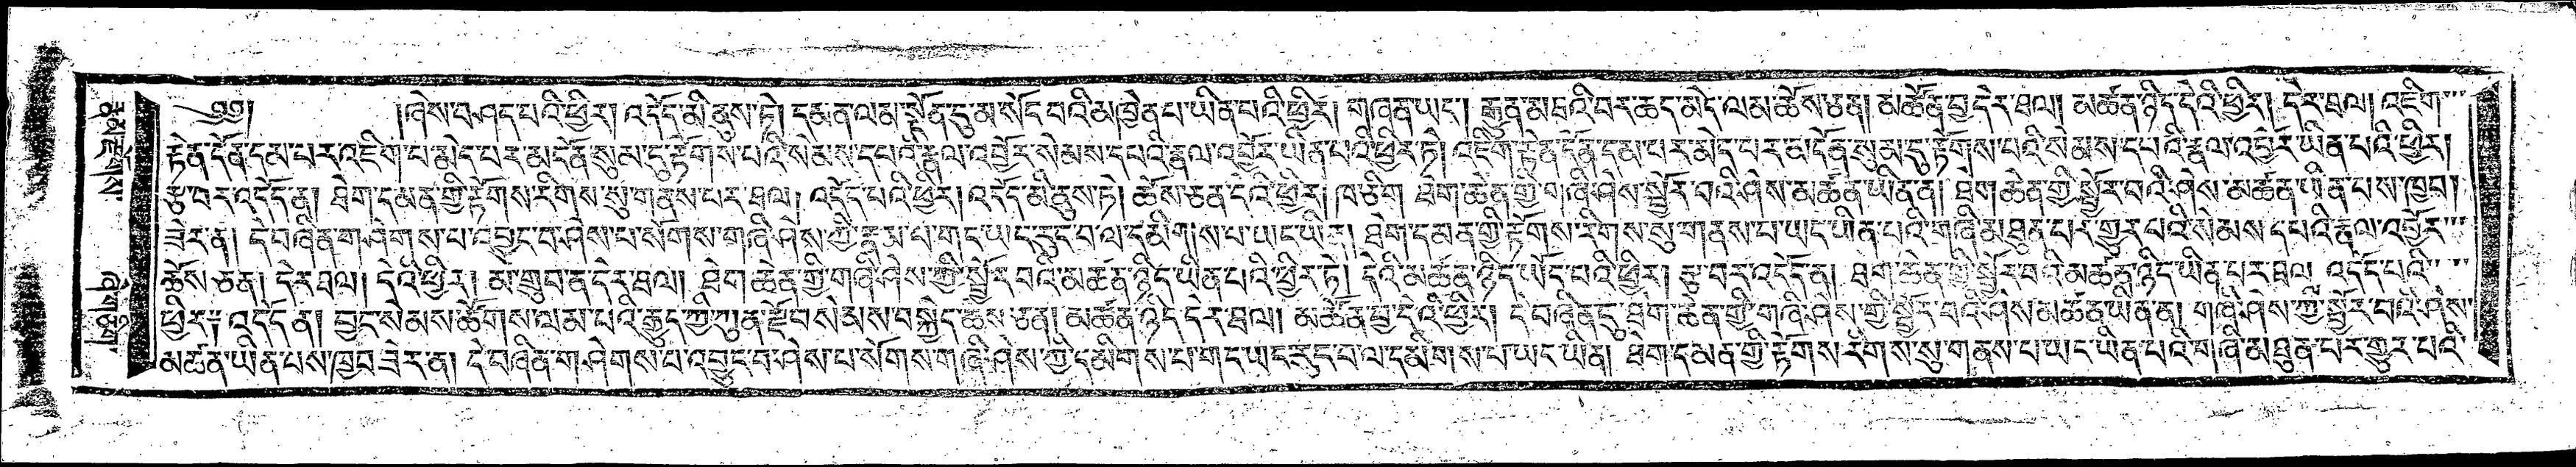༄༅། །ཞེས་བཤད་པའི་ཕྱིར། འདོད་མི་ནུས་ཏེ། དམན་ལམ་སྔོན་དུ་མ་སོང་བའི་མཁྱེན་པ་ཡིན་པའི་ཕྱིར། གཞན་ཡང་། རྒྱུན་མཐའི་བར་ཆད་མེད་ལམ་ཆོས་ཅན། མཚོན་བྱ་དེར་ཐལ། མཚན་ཉིད་དེའི་ཕྱིར། དེར་ཐལ། འཇིག་
རྟེན་དོན་དམ་པར་འཇིག་པ་མེད་པར་མངོན་སུམ་དུ་རྟོགས་པའི་སེམས་དཔའི་རྣལ་འབྱོར་ཡིན་པའི་ཕྱིར་ཏེ། འཇིག་རྟེན་དོན་དམ་པར་མེད་པར་མངོན་སུམ་དུ་རྟོགས་པའི་སེམས་དཔའི་རྣལ་འབྱོར་ཡིན་པའི་ཕྱིར།
རྩ་བར་འདོད་ན། ཐེག་དམན་གྱི་རྟོགས་རིགས་སུ་གནས་པར་ཐལ། འདོད་པའི་ཕྱིར། འདོད་མི་ནུས་ཏེ། ཆོས་ཅན་དེའི་ཕྱིར། ཁ་ཅིག །ཐེག་ཆེན་གྱི་གཞི་ཤེས་སྦྱོར་བའི་ཤེས་མཚན་ཡིན་ན། ཐེག་ཆེན་གྱི་སྦྱོར་བའི་ཤེས་མཚན་ཡིན་པས་ཁྱབ།
ཟེར་ན། དེ་བཞིན་གཤེགས་པ་འབྱུང་བ་ཤེས་པ་སོགས་གཞི་ཤེས་ཀྱི་རྣམ་པ་གང་ཡང་རུང་བ་ལ་དམིགས་པ་ཡང་ཡིན། ཐེག་དམན་གྱི་རྟོགས་རིགས་སུ་གནས་པ་ཡང་ཡིན་པའི་གཞི་མཐུན་པར་གྱུར་པའི་སེམས་དཔའི་རྣལ་འབྱོར་
ཆོས་ཅན། དེར་ཐལ། དེའི་ཕྱིར། མ་གྲུབ་ན་དེར་ཐལ། ཐེག་ཆེན་གྱི་གཞི་ཤེས་ཀྱི་སྦྱོར་བའི་མཚན་ཉིད་ཡིན་པའི་ཕྱིར་ཏེ། དེའི་མཚན་ཉིད་ཡོད་པའི་ཕྱིར། རྩ་བར་འདོད་ན། ཐེག་ཆེན་གྱི་སྦྱོར་བའི་མཚན་ཉིད་ཡིན་པར་ཐལ། འདོད་པའི་
ཕྱིར༑ འདོད་ན། བྱང་སེམས་ཚོགས་ལམ་པའི་རྒྱུད་ཀྱི་ཀུན་རྫོབ་སེམས་བསྐྱེད་ཆོས་ཅན། མཚན་ཉིད་དེར་ཐལ། མཚོན་བྱ་དེའི་ཕྱིར། དེ་བཞིན་དུ་ཐེག་ཆེན་གྱི་གཞི་ཤེས་གྱི་སྦྱོར་བའི་ཤེས་མཚན་ཡིན་ན། གཞི་ཤེས་ཀྱི་སྦྱོར་བའི་ཤེས་
མཚན་ཡིན་པས་ཁྱབ་ཟེར་ན། དེ་བཞིན་གཤེགས་པ་འབྱུང་བ་ཤེས་པ་སོགས་གཞི་ཤེས་ཀྱི་དམིགས་པ་གང་ཡང་རུང་བ་ལ་དམིགས་པ་ཡང་ཡིན། ཐེག་དམན་གྱི་རྟོགས་རིགས་སུ་གནས་པ་ཡང་ཡིན་པའི་གཞི་མཐུན་པར་གྱུར་པའི་